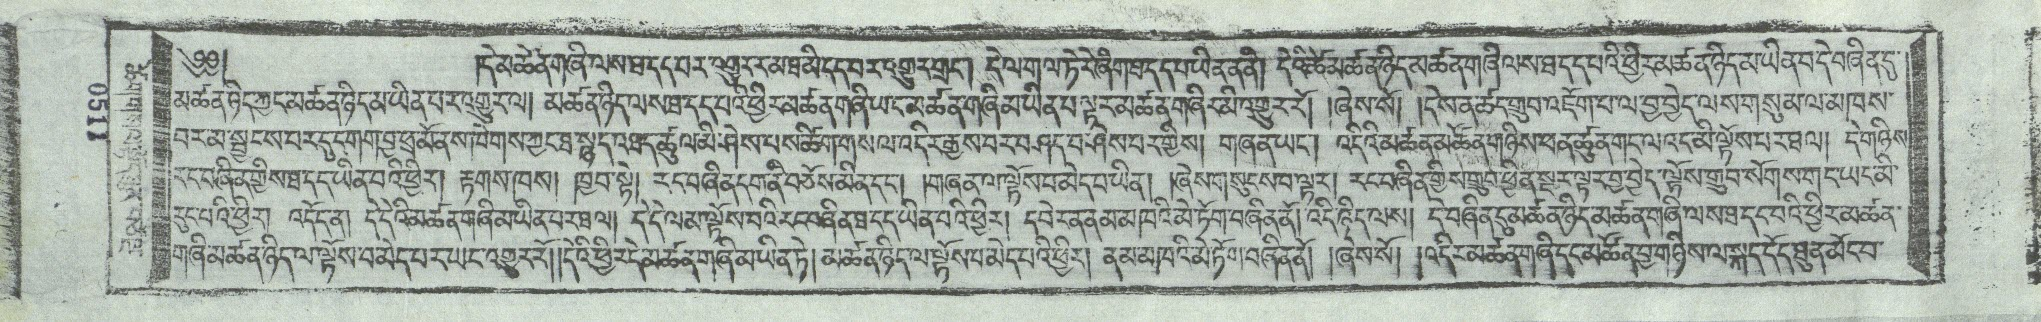༄༅། །དེ་མཆེན་གཞི་ལས་ཐ་དད་པར་འགྱུར་ར་མ་ཐ་མི་དད་པར་འགྱུར་གྲང་། དེ་ལ་གལ་ཏེ་རེ་ཞིག་ཐ་དད་པ་ཡིན་ན་ནི། དེའི་ཚེ་མཚན་ཉིད་མཚན་གཞི་ལས་ཐ་དད་པའི་ཕྱིར་མཚན་ཉིད་མ་ཡིན་པ་དེ་བཞིན་དུ་
མཚན་ཉིད་ཀྱང་མཚན་ཉིད་མ་ཡིན་པར་འགྱུར་ལ། མཚན་ཉིད་ལས་ཐ་དད་པའི་ཕྱིར་མཚན་གཞི་ཡང་མཚན་གཞི་མ་ཡིན་པ་ལྟར་མཚན་གཞིར་མི་འགྱུར་རོ། །ཞེས་སོ། །དེས་ན་ཚད་གྲུབ་འཇོག་པ་ལ་བྱ་བྱེད་ལས་གསུམ་ལ་མཁས་
བར་མ་སྦྱངས་པར་དུ་དགག་བྱ་ཕྲ་མོ་ནས་ཁེགས་ཀྱང་ཐ་སྙད་འཐད་ཚུལ་མི་ཤེས་པས་ཚིག་གསལ་འདིར་རྒྱས་པར་བཤད་པ་ཤེས་པར་གྱིས། གཞན་ཡང་། འདིའི་མཚན་མཚོན་གཉིས་ཕན་ཚུན་གང་ལའང་མི་ལྟོས་པར་ཐལ། དེ་གཉིས་
རང་བཞིན་གྱིས་ཐ་དད་ཡིན་པའི་ཕྱིར། རྟགས་ཁས། ཁྱབ་སྟེ། རང་བཞིན་དག་ནི་བཅོས་མིན་དང་། །གཞན་ལ་ལྟོས་པ་མེད་པ་ཡིན། །ཞེས་གསུངས་པ་ལྟར། རང་བཞིན་གྱིས་གྲུབ་ཕྱིན་སྔར་ལྟར་བྱ་བྱེད་ལྟོས་གྲུབ་སོགས་གང་ཡང་མི་
རུང་པའི་ཕྱིར། འདོད་ན། དེ་དེའི་མཚན་གཞི་མ་ཡིན་པར་ཐལ། དེ་དེ་ལམ་ལྟོས་པའི་རང་བཞིན་ཐ་དད་ཡིན་པའི་ཕྱིར། དཔེར་ན་ནམ་མཁའི་མེ་ཏོག་བཞིན་ནོ། འདི་ཉིད་ལས། དེ་བཞིན་དུ་མཚན་ཉིད་མཚན་གཞི་ལས་ཐ་དད་པའི་ཕྱིར་མཚན་
གཞི་མཚན་ཉིད་ལ་ལྟོས་པ་མེད་པར་ཡང་འགྱུར་རོ། །དེའི་ཕྱིར་དེ་མཚན་གཞི་མ་ཡིན་ཏེ། མཚན་ཉིད་ལ་ལྟོས་པ་མེད་པའི་ཕྱིར། ནམ་མཁའི་མེ་ཏོག་བཞིན་ནོ། །ཞེས་སོ། །འདིར་མཚན་གཞི་དང་མཚོན་བྱ་གཉིས་ལ་སྐད་དོད་ཐུན་མོང་བ་